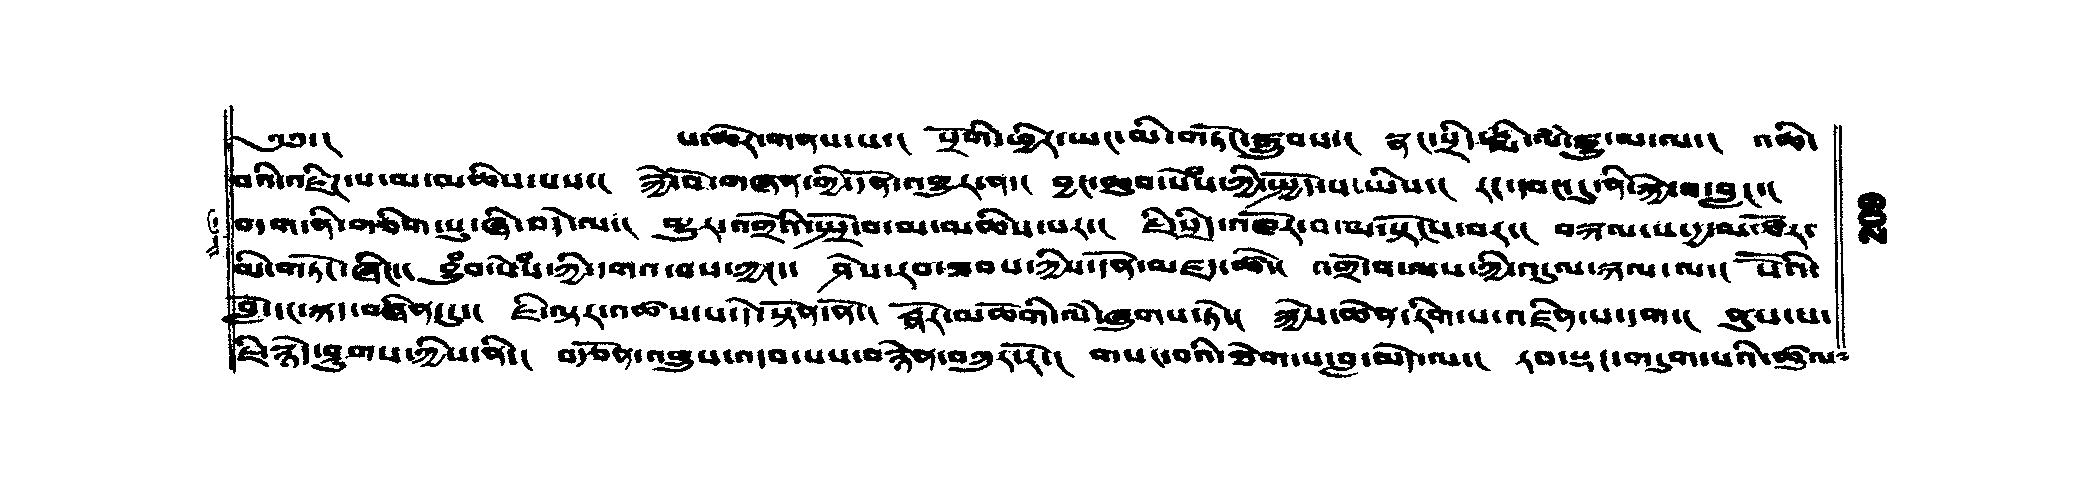པ་ཆེར་གནས་པ། །སྲོག་གི་ཕྱིར་ཡང་མི་གཏོང་སྒྲུབས། །སྣང་སྲིད་རྨི་ལམ་སྒྱུ་མ་ལ། །འཆི་
བའི་འཇིགས་པ་མ་མཆིས་པས། །སྐྱེ་བོ་གཞན་གྱི་དོན་འགྱུར་ན། །བྱང་ཆུབ་སེམས་ཀྱི་སྤྱོད་པ་ཡིས། །རང་དབང་དུ་ནི་སྐྱེ་བ་བླང་། །
བདག་ནི་གཅིག་པུ་ཞི་བདེ་ལ། །མྱུར་འགྲོའི་སྤྲོ་བ་མ་མཆིས་པར། །ཇི་སྲིད་འཁོར་བ་མ་སྟོངས་པར། །བསྐལ་པ་རྒྱ་མཚོར་
མི་གཏོང་ཞིང་། །བྱང་ཆུབ་སེམས་ཀྱི་དགའ་བས་ཀྱང་། །ཤེས་རབ་ཐབས་ཀྱི་དོན་མཛད་ཚེ། །འགྲོ་བ་ལས་ཀྱི་འདུལ་སྐལ་ལ། །སོ་སོའི་
བློ་དང་སྐད་བཞིན་དུ། །ཇི་ལྟར་འཚམས་པ་དེ་སྟོན་ནོ། །རྣལ་འབྱོར་མཆོག་གི་ལམ་ཞུགས་ཏེ། །སྐྱེས་ཆེན་རིག་པ་འཛིན་པ་དག་།ནུས་པ་
ཇི་སྙེད་ཤུགས་ཀྱིས་ནི། །བརྩོན་འགྲུས་འདབ་པས་བསྙེན་བསྐུར་རོ། །གསང་བའི་ཐེག་པ་བླ་མེད་ལ། །རབ་སྡང་གདུག་པའི་ཚུལ་